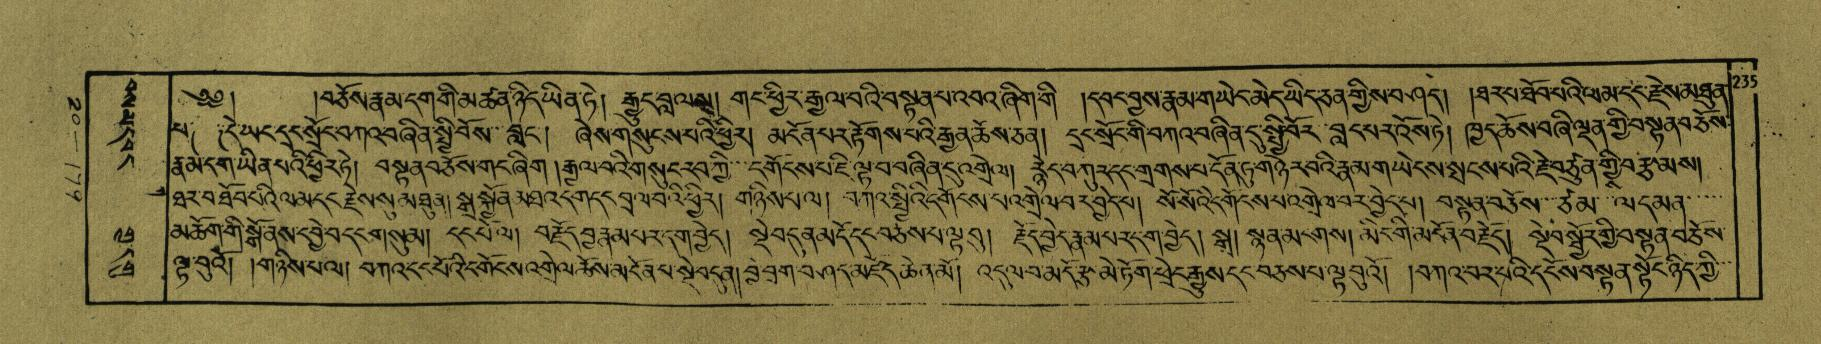༄༅། །བཅོས་རྣམ་དག་གི་མཚན་ཉིད་ཡིན་ཏེ། རྒྱུད་བླ་ལས། གང་ཕྱིར་རྒྱལ་བའི་བསྟན་པ་འབའ་ཞིག་གི །དབང་བྱས་རྣམ་གཡེང་མེད་ཡིད་ཅན་གྱིས་བཤད། །ཐར་པ་ཐོབ་པའི་ལམ་དང་རྗེས་མཐུན་
པ༑ ༑དེ་ཡང་དྲང་སྲོང་བཀའ་བཞིན་སྤྱི་བོས་བླང་། ཞེས་གསུངས་པའི་ཕྱིར། མངོན་པར་རྟོགས་པའི་རྒྱན་ཆོས་ཅན། དྲང་སྲོང་གི་བཀའ་བཞིན་དུ་སྦྱི་བོར་བླང་པར་འོས་ཏེ། ཁྱད་ཆོས་བཞི་ལྡན་གྱི་བསྟན་བཅོས་
རྣམ་དག་ཡིན་པའི་ཕྱིར་ཏེ། བསྟན་བཅོས་གང་ཞིག །རྒྱལ་བའི་གསུང་རབ་ཀྱི་དགོངས་པ་ཇི་ལྟ་བ་བཞིན་དུ་འགྲེལ། རྙེད་བཀུར་དང་གྲགས་པ་དོན་ཏུ་གཉེར་བའི་རྣམ་གཡེངས་སྤངས་པའི་རྗེ་བཙུན་གྱིས་བརྩམས།
ཐར་བ་ཐོབ་པའི་ལམ་དང་རྗེས་སུ་མཐུན། སྒྲ་སྐྱོན་མཐའ་དག་དང་བྲལ་བའི་ཕྱིར། གཉིས་པ་ལ། བཀའ་སྦྱིའི་དགོངས་པ་འགྲེལ་བར་བྱེད་པ། སོ་སོའི་དགོངས་པ་འགྲེལ་བར་བྱེད་པ། བསྟན་བཅོས་ཙམ་ལ་དམན་
མཆོག་གི་སྒོ་ནས་དབྱེ་བ་དང་གསུམ། དང་པོ་ལ། བརྗོད་བྱ་རྣམ་པར་དག་བྱེད། སྡེ་བདུན་མདོ་དང་བཅས་པ་ལྟ་བུ། རྗོད་བྱེད་རྣམ་པར་དག་བྱེད། སྒྲ། སྙན་མངགས། མིང་གི་མངོན་བརྗོད། སྡེབ་སྦྱོར་གྱི་བསྟན་བཅོས་
ལྟ་བུའོ། །གཉིས་པ་ལ། བཀའ་དང་པོའི་དགོངས་འགྲེལ་ཆོས་མངོན་པ་སྡེ་བདུན། བྱེ་བྲག་བཤད་མཛོད་ཆེན་མོ། འདུལ་བ་མདོ་རྟ་མེ་ཏོག་ཕྲེང་རྒྱུས་དང་བཅས་པ་ལྟ་བུའོ། །བཀའ་བར་པའི་དངོས་བསྟན་སྟོང་ཉིད་ཀྱི་